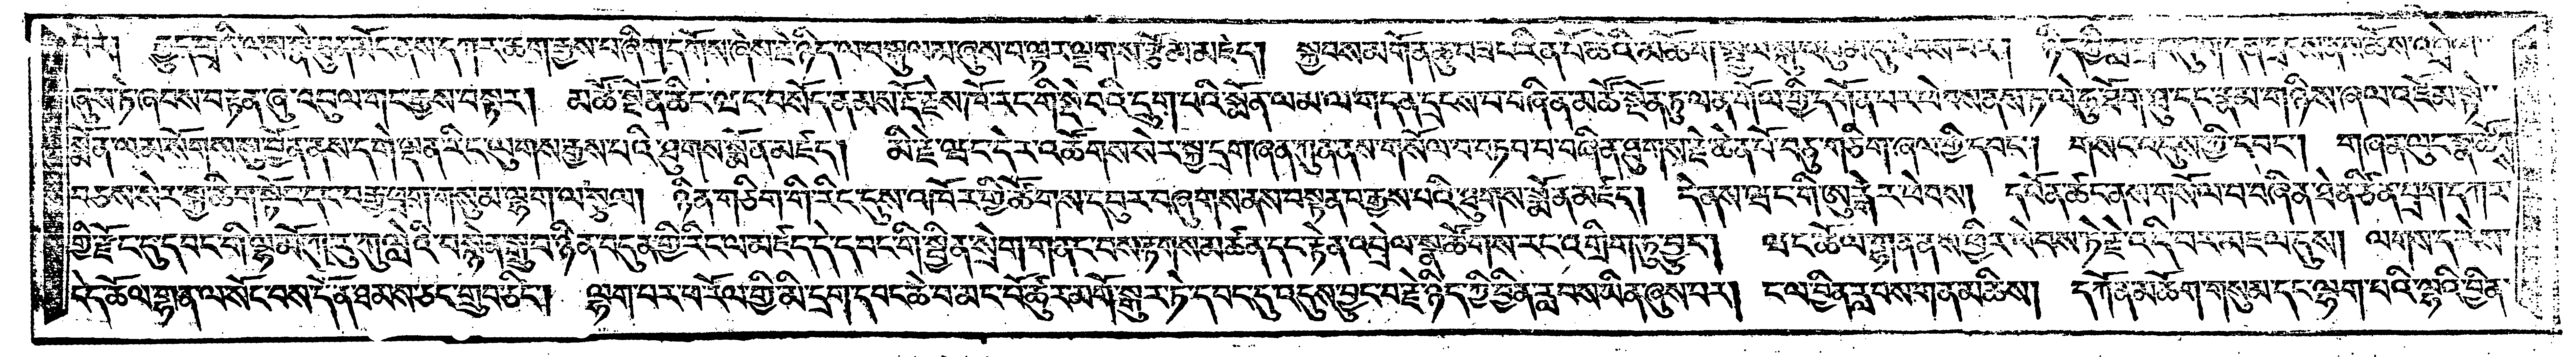བར། རྒྱུད་གྲྭའི་ལས་སྣེ་ཐུན་མོང་ནས་དཀར་ཆག་རྒྱས་པ་ཞིག་དགོས་ཞེས་རྗེ་ཉིད་ལ་བསྐུལ་མ་ཞུས་པ་ལྟར་ལྗགས་རྩོམ་མཛད། སྐྱབས་མགོན་ཆུ་བཟང་རིན་པོ་ཆེའི་མཆོག་སྦྲུལ་སྐུ་འབུམ་དུ་ཕེབས་བར། ཉིད་ཀྱི་བླ་བྲང་དུ་གདན་དྲངས་ནས་ཆོས་འབྲེལ་
ཞུས་ཏེ་ཞབས་བརྟན་ཞུ་འབུལ་གང་རྒྱས་བསྟར། མཚོ་སྔོན་ཆིང་ཝང་བསོད་ནམས་རྡོ་རྗེས་ཁོ་རང་གི་སྡེ་བའི་དྲུག་བའི་སྨོན་ལམ་ལ་གདན་དྲངས་པ་བཞིན་མཚོ་སྔོན་ཏུ་ལན་གོལ་གྱི་དགོན་པར་ཕེབས་ནས་ཏ་ལེ་ཧུ་ཐོག་ཐུ་དང་རྣམ་གཉིས་ཞལ་འཛོམ་སྟེ་
སྨོན་ལམ་སོགས་སུ་བྱོན་ནས་དགེ་ལྡན་རིང་ལུགས་རྒྱས་པའི་ཐུགས་སྨོན་མཛད། མི་རྗེ་ཝང་དེར་འཚོགས་སེར་སྐྱ་དྲག་ཞན་ཀུན་ནས་གསོལ་བ་བཏབ་བ་བཞིན་ཐུགས་རྗེ་ཆེན་པོ་བཅུ་གཅིག་ཞལ་གྱི་དབང་། གསང་འདུས་ཀྱི་དབང་། གཞན་ལུང་སྣ་ཚོགས་
བཅས་སེར་སྐྱ་ཆིག་སྟོང་དང་བརྒྱ་ཕྲག་གསུམ་ལྷག་ལ་སྩལ། ཉིན་གཅིག་གི་རིང་དུས་འཁོར་གྱི་ཚོགས་དབུར་བཞུགས་ནས་བསྟན་བ་རྒྱས་པའི་ཐུགས་སྨོན་མཛད། དེ་ནས་ཝང་གི་ཨུརྒེར་ཕེབས། དཔོན་ཚང་ནས་གསོལ་བ་བཞིན་ཐེན་ཙིན་བྲག་དཀར་
གྱི་རྫོང་དུ་དབང་གི་ལྷ་མོ་ཀུ་རུ་ཀུལླེའི་བསྙེན་སྒྲུབ་ཉིན་བདུན་གྱི་རིང་ལ་མཛད་དེ་དབང་གི་སྦྱིན་སྲེག་གནང་བས་རྟགས་མཚན་དང་རྟེན་འབྲེལ་སྣ་ཚོགས་རང་འགྲིག་ཏུ་བྱུང་། ཝང་ཆོལ་གཞན་ནས་ཕྱིར་ཕེབས་ཏེ་རྗེ་འདི་བར་མཇལ་དུས། ལགས་ད་རེས་
ངེད་ཆོལ་གྷན་ལ་སོང་བས་དོན་ཐམས་ཅད་གྲུབ་ཅིང་། ལྷག་པར་ཕ་རོལ་གྱི་མི་དྲག་དབང་ཆེ་བ་མང་པོ་ཚུར་མགོ་སྒུར་ཏེ་དབང་དུ་འདུས་བྱུང་བ་རྗེ་ཉིད་ཀྱི་བྱིན་རླབས་ཡིན་ཞུས་བར། ང་ལ་བྱིན་རླབས་གན་མཆིས། དཀོན་མཆོག་གསུམ་དང་ལྷག་པའི་ལྷའི་བྱིན་